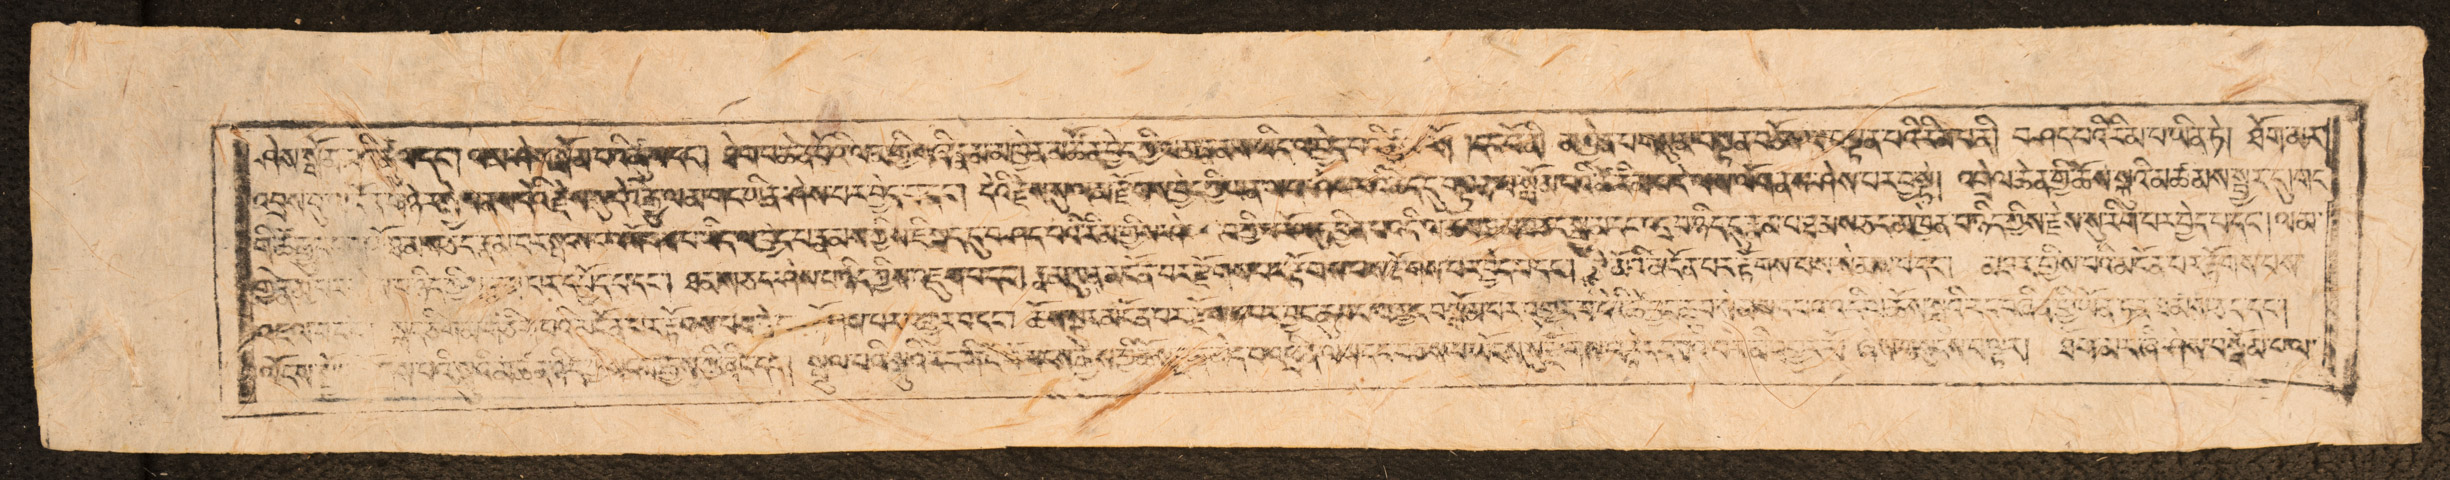ཤེས་སྒོམ་པའི་ཚུལ་དང་། ལམ་ཤེས་སྒོམ་པའི་ཚུལ་དང་། ཐེག་པ་ཆེན་པོའི་ལམ་གྱི་གཞི་རྣམ་མཁྱེན་མཚོན་བྱེད་ཀྱི་ལམ་རྣམས་ཡིད་ལ་བྱེད་པའི་ཚུལ་ལོ། །དང་པོ་ནི། མཁྱེན་པ་གསུམ་བསྟན་བཅོས་ལ་བསྟན་པའི་རིམ་པ་ནི། བཤད་པའི་རིམ་པ་ཡིན་ཏེ། ཐོག་མར་
འབྲས་བུ་ལ་དོན་གཉེར་སྐྱེས་ནས་དེའི་རྗེས་སུ་དེའི་རྒྱུ་ལམ་གང་ཡིན་ཤེས་པར་བྱེད་པ་དང་། དེའི་རྗེས་སུ་ལམ་རྫོགས་བྱེད་ཀྱི་ཡན་ལག་ཤེས་པའི་ཆེད་དུ་བསྟན་ལ་སྒོམ་པའི་ཚེ་རིམ་པ་དེ་ལས་ལོག་ནས་ཤེས་པར་བྱ་སྟེ། འགྲེལ་ཆེན་གྱི་ཆོས་སྐུའི་མཚམས་སྦྱར་དུ། གང་
གི་ཚེ་རྒྱུ་དང་གཡོ་ཐམས་ཅད་རྣམ་པར་སྤངས་པ་ལ་སོགས་པ་ཡིད་ལ་བྱེད་པ་རྣམས་ཀྱིས་ཇི་སྐད་དུ་བཤད་པའི་རིམ་གྱིས་ཤེས་རབ་ཀྱི་ཕ་རོལ་ཏུ་ཕྱིན་པ་འདི་ལ་ཆོས་ཐམས་ཅད་སྒྱུ་མ་དང་འདྲ་བ་ཉིད་དུ་རྣམ་པ་ཐམས་ཅད་མཁྱེན་པ་ཉིད་ཀྱིས་རྗེས་སུ་རིག་པར་བྱེད་པ་དང་། ལམ་
གྱི་རྣམ་པར་ཤེས་པ་ཉིད་ཀྱིས་རྣམ་པར་དཔྱོད་པ་དང་། ཐམས་ཅད་ཤེས་པ་ཉིད་ཀྱིས་འཇུག་པ་དང་། རྣམ་ཀུན་མངོན་པར་རྫོགས་པར་རྟོགས་པས་རྟོགས་པར་བྱེད་པ་དང་། རྩེ་མོའི་མངོན་པར་རྟོགས་པས་སེམས་པ་དང་། མཐར་གྱིས་པའི་མངོན་པར་རྟོགས་པས་
འཇལ་བ་དང་། སྐད་ཅིག་མ་གཅིག་པའི་མངོན་པར་རྟོགས་པས་ཉེ་བར་རྟོགས་པར་འགྱུར་བ་དང་། ཆོས་སྐུར་མངོན་པར་རྫོགས་པར་བྱང་ཆུབ་པས་ཀྱང་བསྒོམ་པར་འགྱུར་བ་དེའི་ཚེ་བྱང་ཆུབ་སེམས་དཔའ་འདི་ལ་ཆོས་སྐུའི་རང་བཞིན་གྱི་ཡོན་ཏན་ཐམས་ཅད་དང་།
ལོངས་སྤྱོད་རྫོགས་པའི་སྐུའི་མཚན་ཉིད་ཀྱི་སངས་རྒྱས་ཀྱི་ཞིང་དང་། སྤྲུལ་པའི་སྐུའི་རང་གི་ངོ་བོ་སངས་རྒྱས་ཀྱི་ཆོས་བླ་ན་མེད་པ་འཕྲིན་ལས་དང་བཅས་པ་ཡོངས་སུ་རྫོགས་པ་རྙེད་དཀའ་བར་མི་འགྱུར་རོ། ཞེས་གསུངས་པ་ལྟར། ཐོག་མར་ཞི་ཤེས་བསྒོམ་པ་ལ་